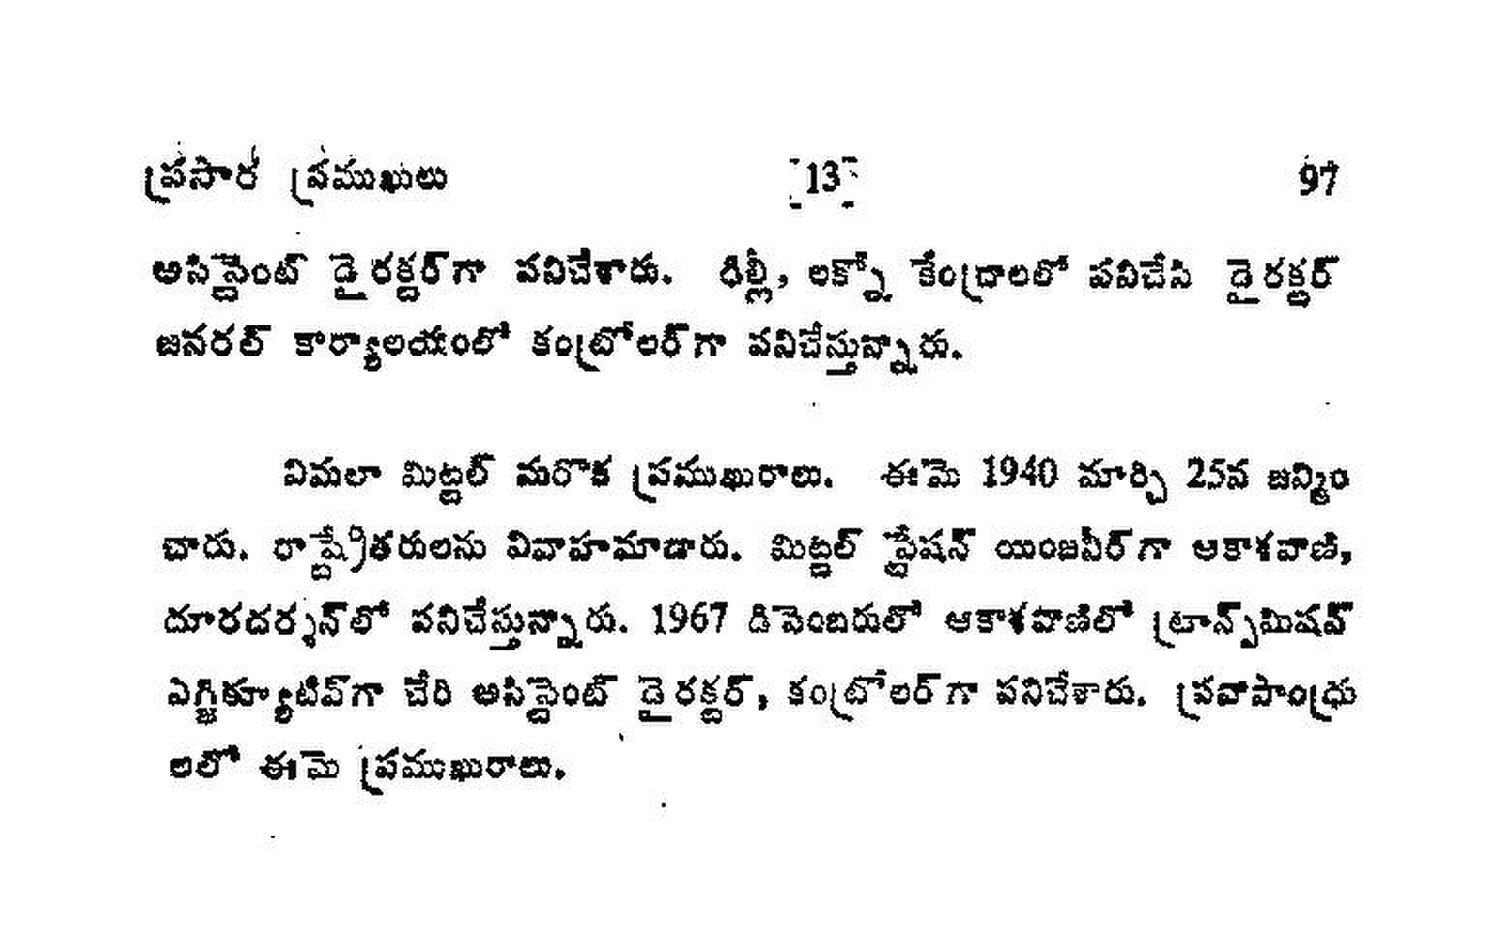అసిస్టెంట్ డైరక్టర్‌గా పనిచేశారు. ఢిల్లీ, లక్నో కేంద్రాలలో పనిచేసి డైరక్టర్ జనరల్ కార్యాలయంలో కంట్రోలర్ గా పనిచేస్తున్నారు.

విమలా మిట్టల్ మరొక ప్రముఖురాలు. ఈమె 1940 మార్చి 25న జన్మించారు. రాష్ట్రేతరులను వివాహమాడారు. మిట్టల్ స్టేషన్ యింజనీర్ గా ఆకాశవాణి, దూరదర్శన్‌లో పనిచేస్తున్నారు. 1967 డిసెంబరులో ఆకాశవాణిలో ట్రాన్స్‌మిషన్ ఎగ్జిక్యూటివ్‌గా చేరి అసిస్టెంట్ డైరక్టర్, కంట్రోలర్ గా పనిచేశారు. ప్రవాసాంధ్రులలో ఈమె ప్రముఖురాలు.